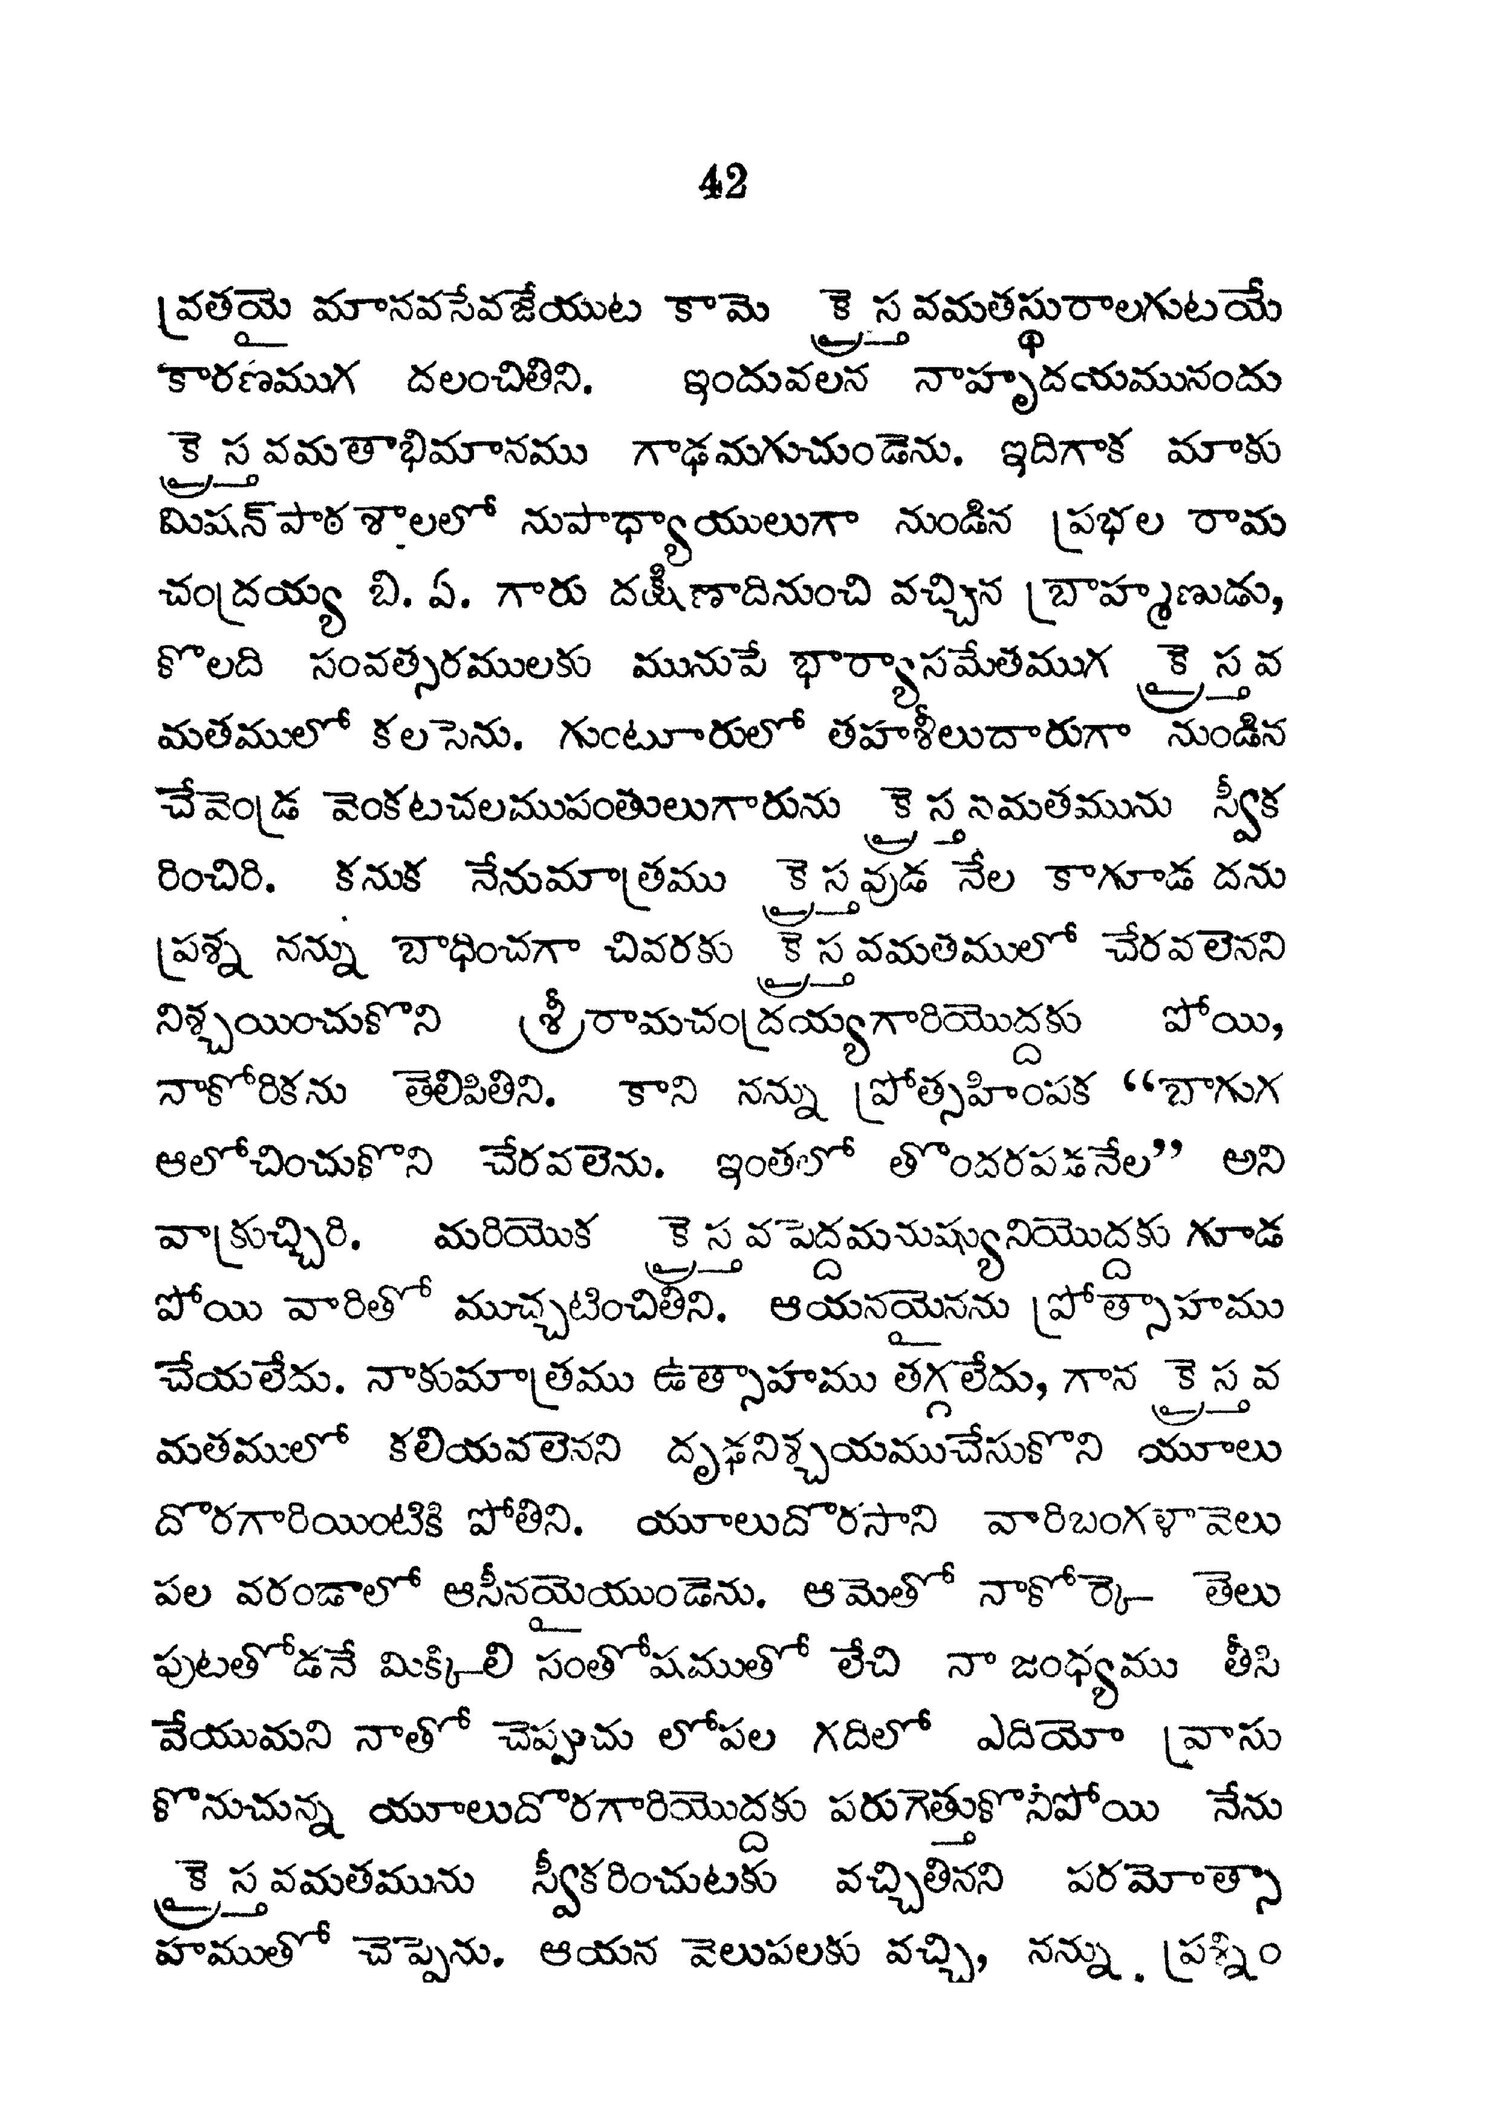వ్రతయై మానవసేవజేయుట కామె క్రైస్తవమతస్థురాలగుటయే కారణముగ దలంచితిని. ఇందువలన నాహృదయమునందు క్రైస్తవమతాభిమానము గాఢమగుచుండెను. ఇదిగాక మాకు మిషన్‌పాఠశాలలో నుపాధ్యాయులుగా నుండిన ప్రభల రామచంద్రయ్య బి. ఏ. గారు దక్షిణాదినుంచి వచ్చిన బ్రాహ్మణుడు, కొలది సంవత్సరములకు మునుపే భార్యసమేతముగ క్రైస్తవ మతములో కలసెను. గుంటూరులో తహశీలుదారుగా నుండిన చేవెండ్ర వెంకటచలముపంతులుగారును క్రైస్తవమతమును స్వీకరించిరి. కనుక నేనుమాత్రము క్రైస్తవుడ నేల కాగూడ దను ప్రశ్న నన్ను బాధించగా చివరకు క్రైస్తవమతములో చేరవలెనని నిశ్చయించుకొని శ్రీరామచంద్రయ్యగారియొద్దకు పోయి, నాకోరికను తెలిపితిని. కాని నన్ను ప్రోతహింపక "బాగుగ ఆలోచించుకొని చేరవలెను. ఇంతలో తొందరపడనేల" అని వాక్రుచ్చిరి. మరియొక క్రైస్తవపెద్దమనుష్యునియొద్దకు గూడ పోయి వారితో ముచ్చటించితిని. ఆయనయైనను ప్రోత్సాహము చేయలేదు. నాకుమాత్రము ఉత్సాహము తగ్గలేదు. గాన క్రైస్తవ మతములో కలియవలెనని దృడనిశ్చయముచేసుకొని యూలుదొరగారియింటికి పోతిని. యూలుదొరసాని వారిబంగళావెలుపల వరండాలో ఆసీనయైయుండెను. ఆమెతో నాకోర్కె తెలుపుటతోడనే మిక్కిలి సంతోషముతో లేచి నా జంధ్యము తీసివేయమని నాతో చెప్పుచు లోపల గదిలో ఎదియో వ్రాసుకొనుచున్న యూలుదొరగారియొద్దకు పరుగెత్తుకొనిపోయి నేను క్రైస్తవమతమును స్వీకరించుటకు వచ్చితినని పరమోత్సాహముతో చెప్పెను. ఆయన వెలుపలకు వచ్చి, నన్ను ప్రశ్నిం